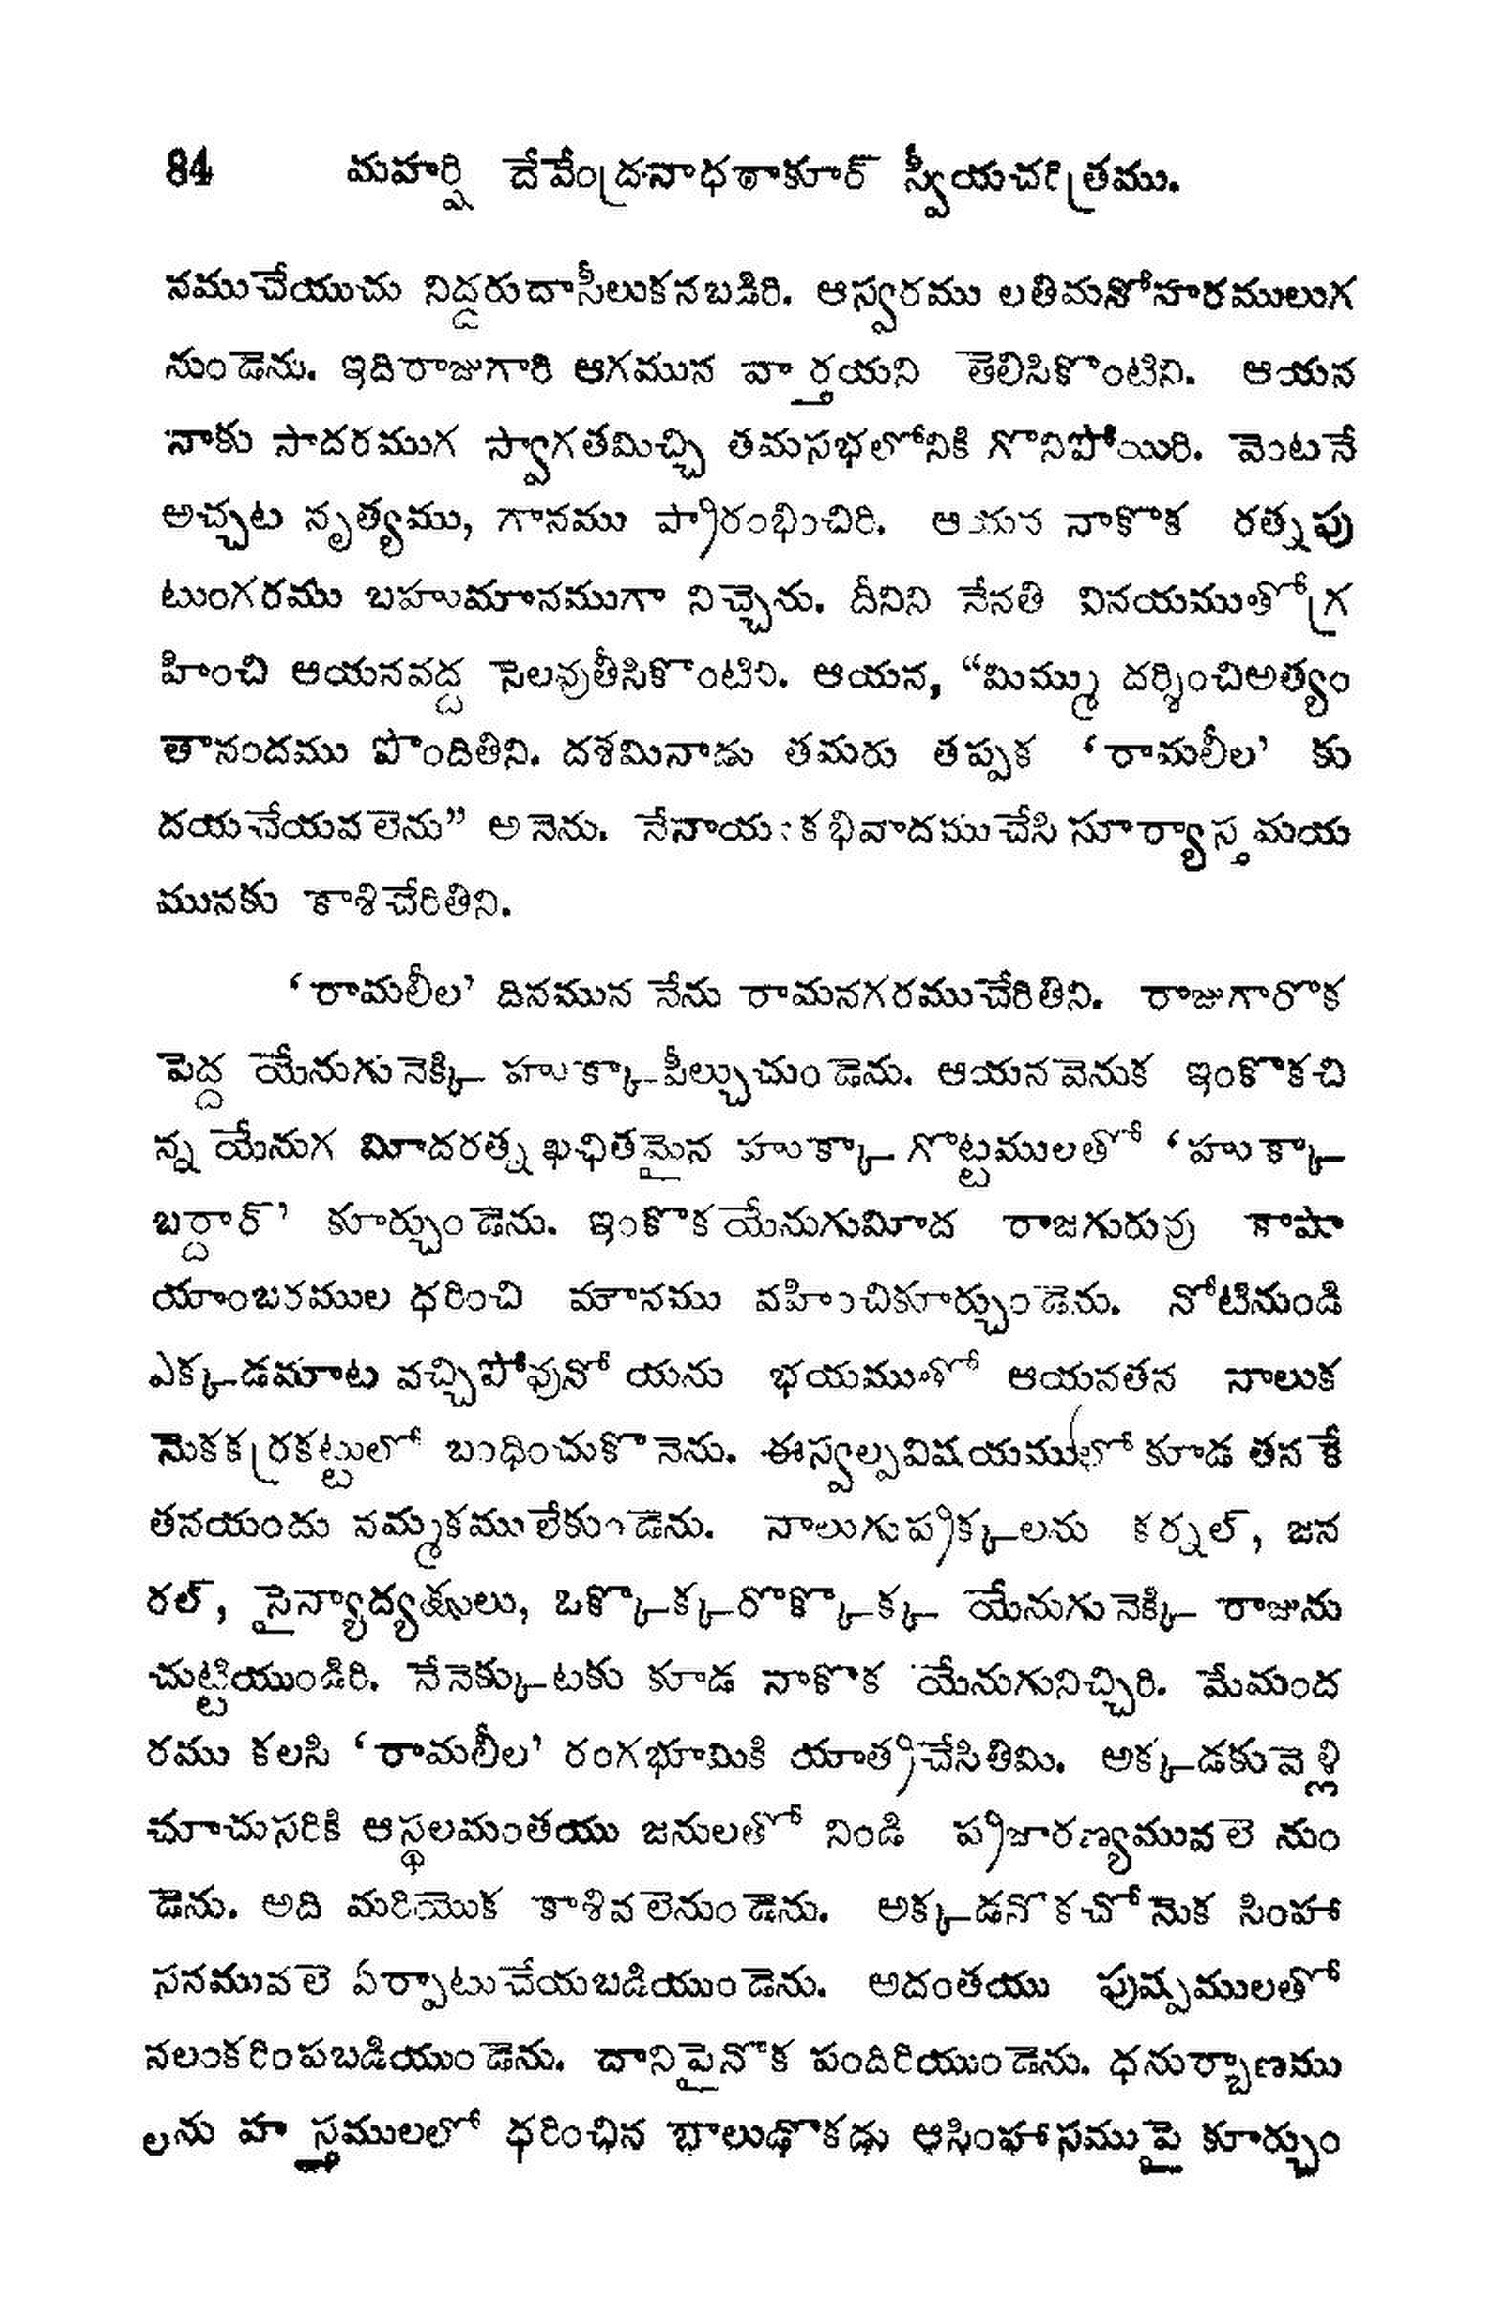నము చేయుచు నిద్దరు దాసీలు కనబడిరి. ఆస్వరము లతి మనోహరములుగు
నుండెను. ఇది రాజుగారి ఆగమున వార్తయని తెలిసికొంటిని, ఆయన'నాకు 
సాదరముగ స్వాగతమిచ్చి తమసభలోనికి గొనిపోయిరి. మెటనేఅచ్చట 
నృత్యము, గానము ప్రారంభించిరి. ఆయన నాకొక రత్నపుటుంగరము 
బహుమానముగా నిచ్చెను. దీనిని నేనతి వినయముతో గ్రహించి ఆయనవద్ద
సెలవు తీసికొంటిని. ఆయన, “మిమ్ము దర్శించి అత్యంతానందము పొందితిని. దశమినాడు తమరు తప్పక 'రామలీల' కు దయచేయవ లెను” అనెను. నేనాయన కభివాదము చేసి సూర్యాస్తమయ మునకు కాశి చేరితిని.

'రామలీల' దినమున నేను రామనగరము చేరితిని. రాజుగారొక
పెద్ద యేనుగు నెక్కి హుక్కా పీల్చుచుండెను. ఆయన వెనుక ఇంకొక
చిన్న యేనుగ సదరత్న ఖఛితమైన హుక్కా గొట్టములతో “హుక్కా
బర్దార్' కూర్చుం డెను. ఇంకొక యేనుగుమీద రాజగురువు కాషా
యాంబరముల ధరించి మౌనము వహించికూర్చుండెను. నోటినుండి
ఎక్కడమాట వచ్చిపోవునోయను భయముతో ఆయనతన నాలుక
ఒక కర్రకట్టులో బంధించు కొనెను. ఈ స్వల్ప విషయములో కూడ 
తన కేతనయందు నమ్మకము లేకుండెను. నాలుగు ప్రక్కలను కర్నల్ , 
జనగల్ , సైన్యాధ్యక్షులు, ఒక్కొక్కరొక్కొక్క యేనుగు నెక్కి రాజును
చుట్టియుండిరి. నేనెక్కుటకు కూడ నాకొక 'యేనుగునిచ్చిరి. 'మేమంద
రము కలసి ' రామలీల' రంగ భూమికి యాత్ర చేసితిమి. అక్కడకు 
వెళ్లి చూచు సరికి ఆస్థలమంతయు జనులతో నిండి ప్రజారణ్యమువలె 
నుండెను. అది మరియొక 'కాశివ లెనుండెను. అక్కడ నొకచోట 
ఒక సింహాసనమువలే ఏర్పాటు చేయబడియుండెను. అదంతయు 
పుష్పములతో నలంకరింప బడియుండెను. దాని పైనొక పందిరియుండెను.
ధనుర్బాణములను హస్తములలో ధరించిన బాలుడొకడు ఆసింహా సముపై కూర్చుం